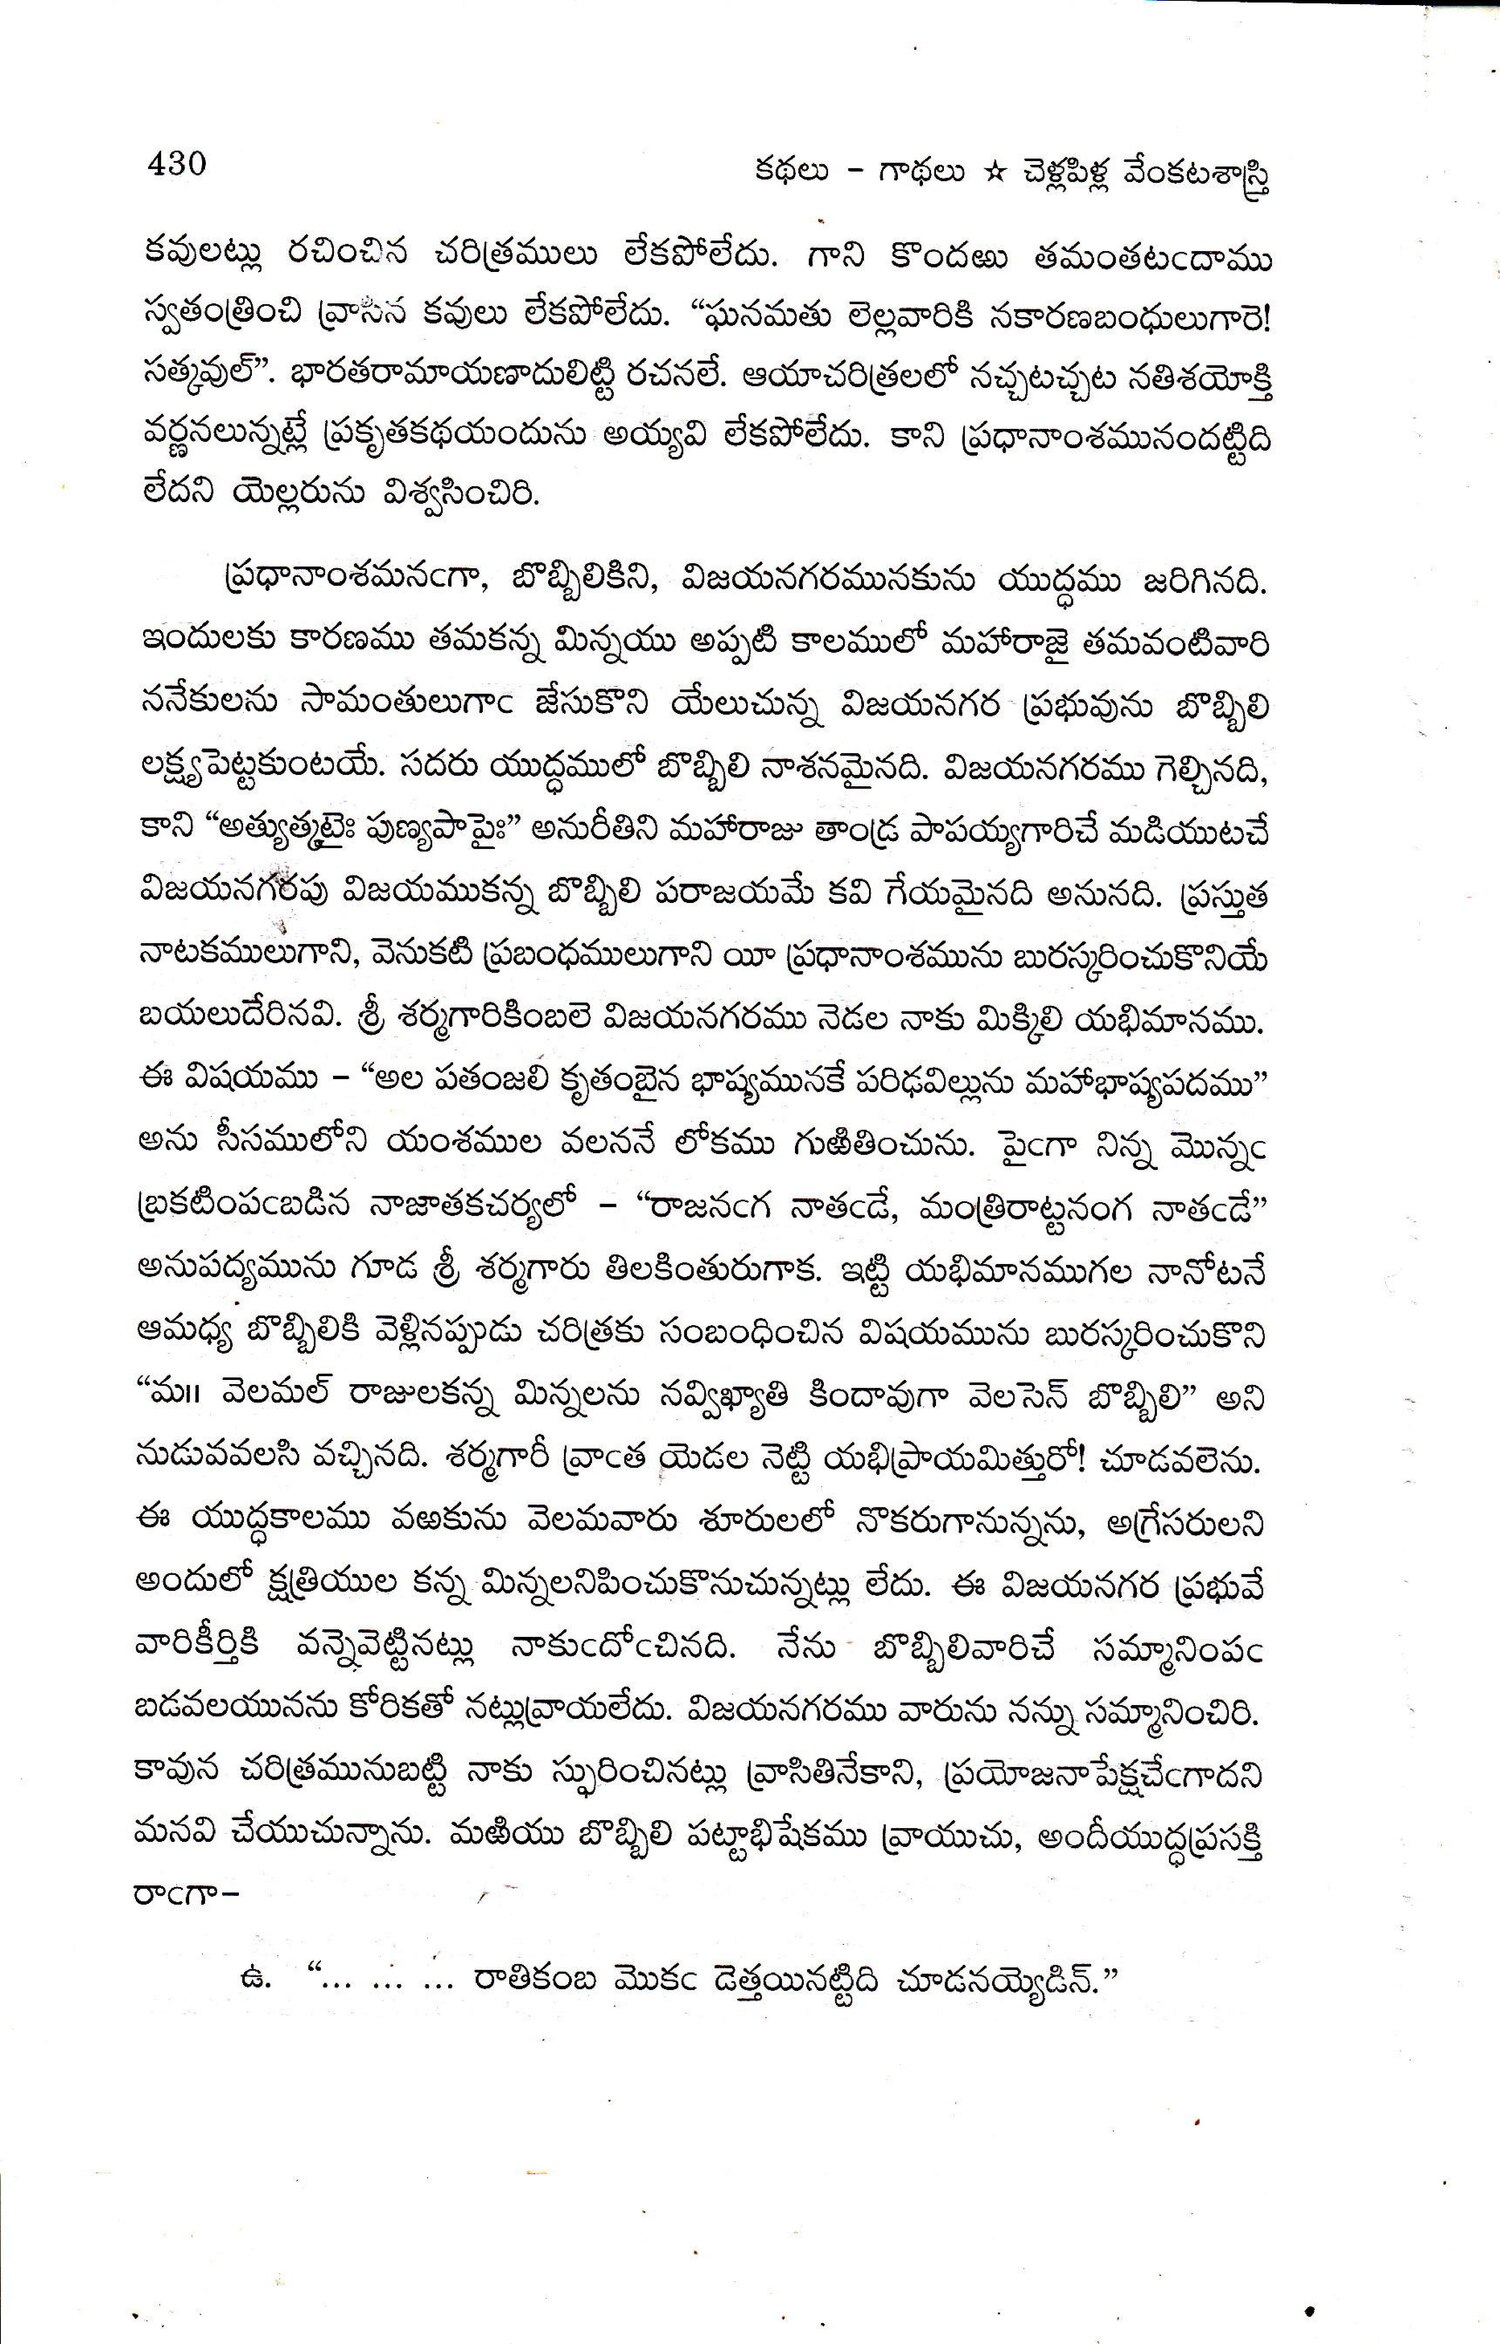కవులట్లు రచించిన చరిత్రములు లేకపోలేదు. గాని కొందఱు తమంతటఁదాము స్వతంత్రించి వ్రాసిన కవులు లేకపోలేదు. “ఘనమతు లెల్లవారికి నకారణబంధులుగారె! సత్కవుల్". భారతరామాయణాదులిట్టి రచనలే. ఆయాచరిత్రలలో నచ్చటచ్చట నతిశయోక్తి వర్ణనలున్నట్లే ప్రకృతకథయందును అయ్యవి లేకపోలేదు. కాని ప్రధానాంశమునందట్టిది లేదని యెల్లరును విశ్వసించిరి.

ప్రధానాంశమనఁగా, బొబ్బిలికిని, విజయనగరమునకును యుద్ధము జరిగినది. ఇందులకు కారణము తమకన్న మిన్నయు అప్పటి కాలములో మహారాజై తమవంటివారి ననేకులను సామంతులుగాఁ జేసుకొని యేలుచున్న విజయనగర ప్రభువును బొబ్బిలి లక్ష్యపెట్టకుంటయే. సదరు యుద్ధములో బొబ్బిలి నాశనమైనది. విజయనగరము గెల్చినది, కాని "అత్యుత్కటైః పుణ్యపాపైః" అనురీతిని మహారాజు తాండ్ర పాపయ్యగారిచే మడియుటచే విజయనగరపు విజయముకన్న బొబ్బిలి పరాజయమే కవి గేయమైనది అనునది. ప్రస్తుత నాటకములుగాని, వెనుకటి ప్రబంధములుగాని యీ ప్రధానాంశమును బురస్కరించుకొనియే బయలుదేరినవి. శ్రీ శర్మగారికింబలె విజయనగరము నెడల నాకు మిక్కిలి యభిమానము. ఈ విషయము - "అల పతంజలి కృతంబైన భాష్యమునకే పరిఢవిల్లును మహాభాష్యపదము" అను సీసములోని యంశముల వలననే లోకము గుఱితించును. పైఁగా నిన్న మొన్నఁ బ్రకటింపఁబడిన నాజాతకచర్యలో - "రాజనఁగ నాతఁడే, మంత్రిరాట్టనంగ నాతఁడే" అనుపద్యమును గూడ శ్రీ శర్మగారు తిలకింతురుగాక. ఇట్టి యభిమానముగల నానోటనే ఆమధ్య బొబ్బిలికి వెళ్లినప్పుడు చరిత్రకు సంబంధించిన విషయమును బురస్కరించుకొని “మII వెలమల్ రాజులకన్న మిన్నలను నవ్విఖ్యాతి కిందావుగా వెలసెన్ బొబ్బిలి" అని నుడువవలసి వచ్చినది. శర్మగారీ వ్రాఁత యెడల నెట్టి యభిప్రాయమిత్తురో! చూడవలెను. ఈ యుద్ధకాలము వఱకును వెలమవారు శూరులలో నొకరుగానున్నను, అగ్రేసరులని అందులో క్షత్రియుల కన్న మిన్నలనిపించుకొనుచున్నట్లు లేదు. ఈ విజయనగర ప్రభువే వారికీర్తికి వన్నెవెట్టినట్లు నాకుఁదోcచినది. నేను బొబ్బిలివారిచే సమ్మానింపఁ బడవలయునను కోరికతో నట్లువ్రాయలేదు. విజయనగరము వారును నన్ను సమ్మానించిరి. కావున చరిత్రమునుబట్టి నాకు స్ఫురించినట్లు వ్రాసితినేకాని, ప్రయోజనాపేక్షచేఁగాదని మనవి చేయుచున్నాను. మఱియు బొబ్బిలి పట్టాభిషేకము వ్రాయుచు, అందీయుద్ధప్రసక్తి రాఁగా-

ఉ. “... ... ... రాతికంబ మొకఁ డెత్తయినట్టిది చూడనయ్యెడిన్"